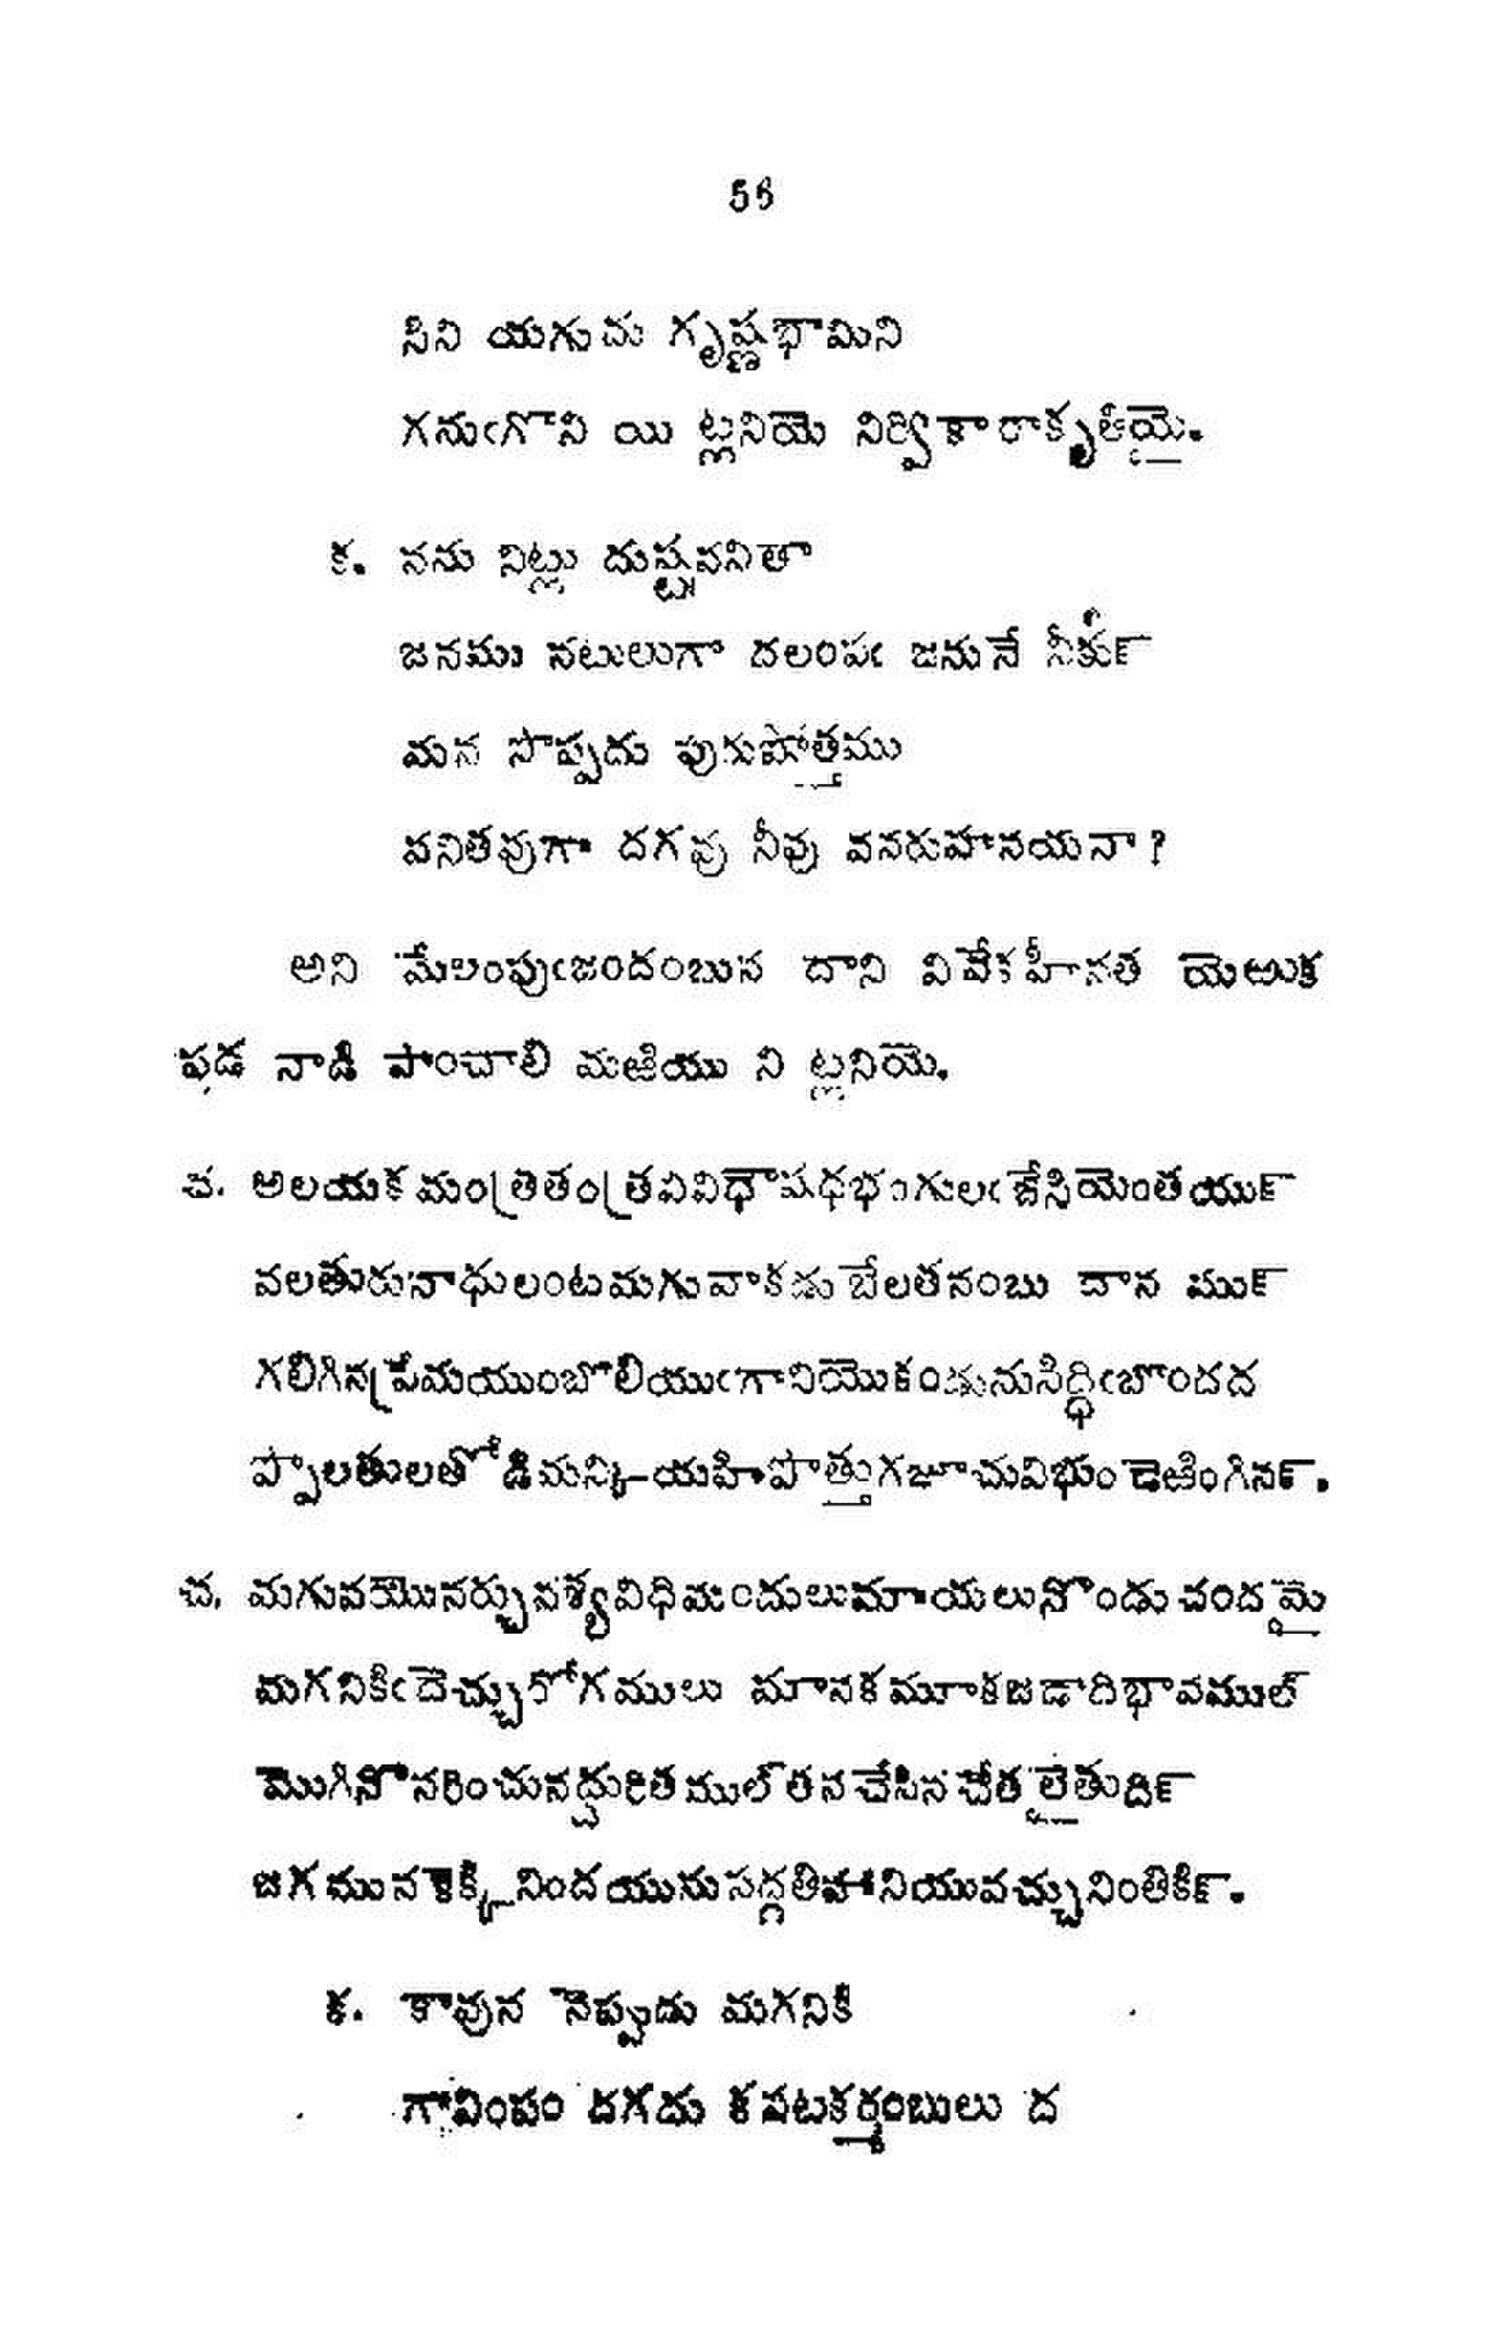సిని యగుచు గృష్ణభామిని
 గనుఁగొని యిట్లనియె నిర్వికారాకృతియై.

క. నను నిట్లు దుష్టవనితా
 జనము నటులుగా దలంపఁ జనునే నీకున్
 మన సొప్పదు పురుషోత్తము
 వనితవుగా దగవు నీవు వనరుహనయనా?
అని మేలంపుఁజందంబున దాని వివేకహీనత యెఱుక పడ నాడి పాంచాలి మఱియు ని ట్లనియె.

చ. అలయకమంత్రతంత్రవివిధౌషధభంగులఁజేసియెంతయున్
 వలతురునాధులంటమగువాకడుబేలతనంబు దాన మున్
 గలిగినప్రేమయుంబొలియుఁగానియొకండునుసిద్ధిఁబొందద
 ప్పొలతులతోడిమన్కియహిపొత్తుగజూచువిభుండెఱింగినన్.

చ. మగువయొనర్చువశ్యవిధిమందులుమాయలునొండు చందమై
 మగనికిఁదెచ్చురోగములు మానకమూకజడాదిభావముల్
 మొగినొనరించునద్దురితముల్ తనచేసినచేతలైతుదిన్
 జగమునకెక్కినిందయును సద్గతిహానియువచ్చునింతికిన్.

క. కావున నెప్పుడు మగనికి
 గావింపం దగదు కపటకర్మంబులు ద